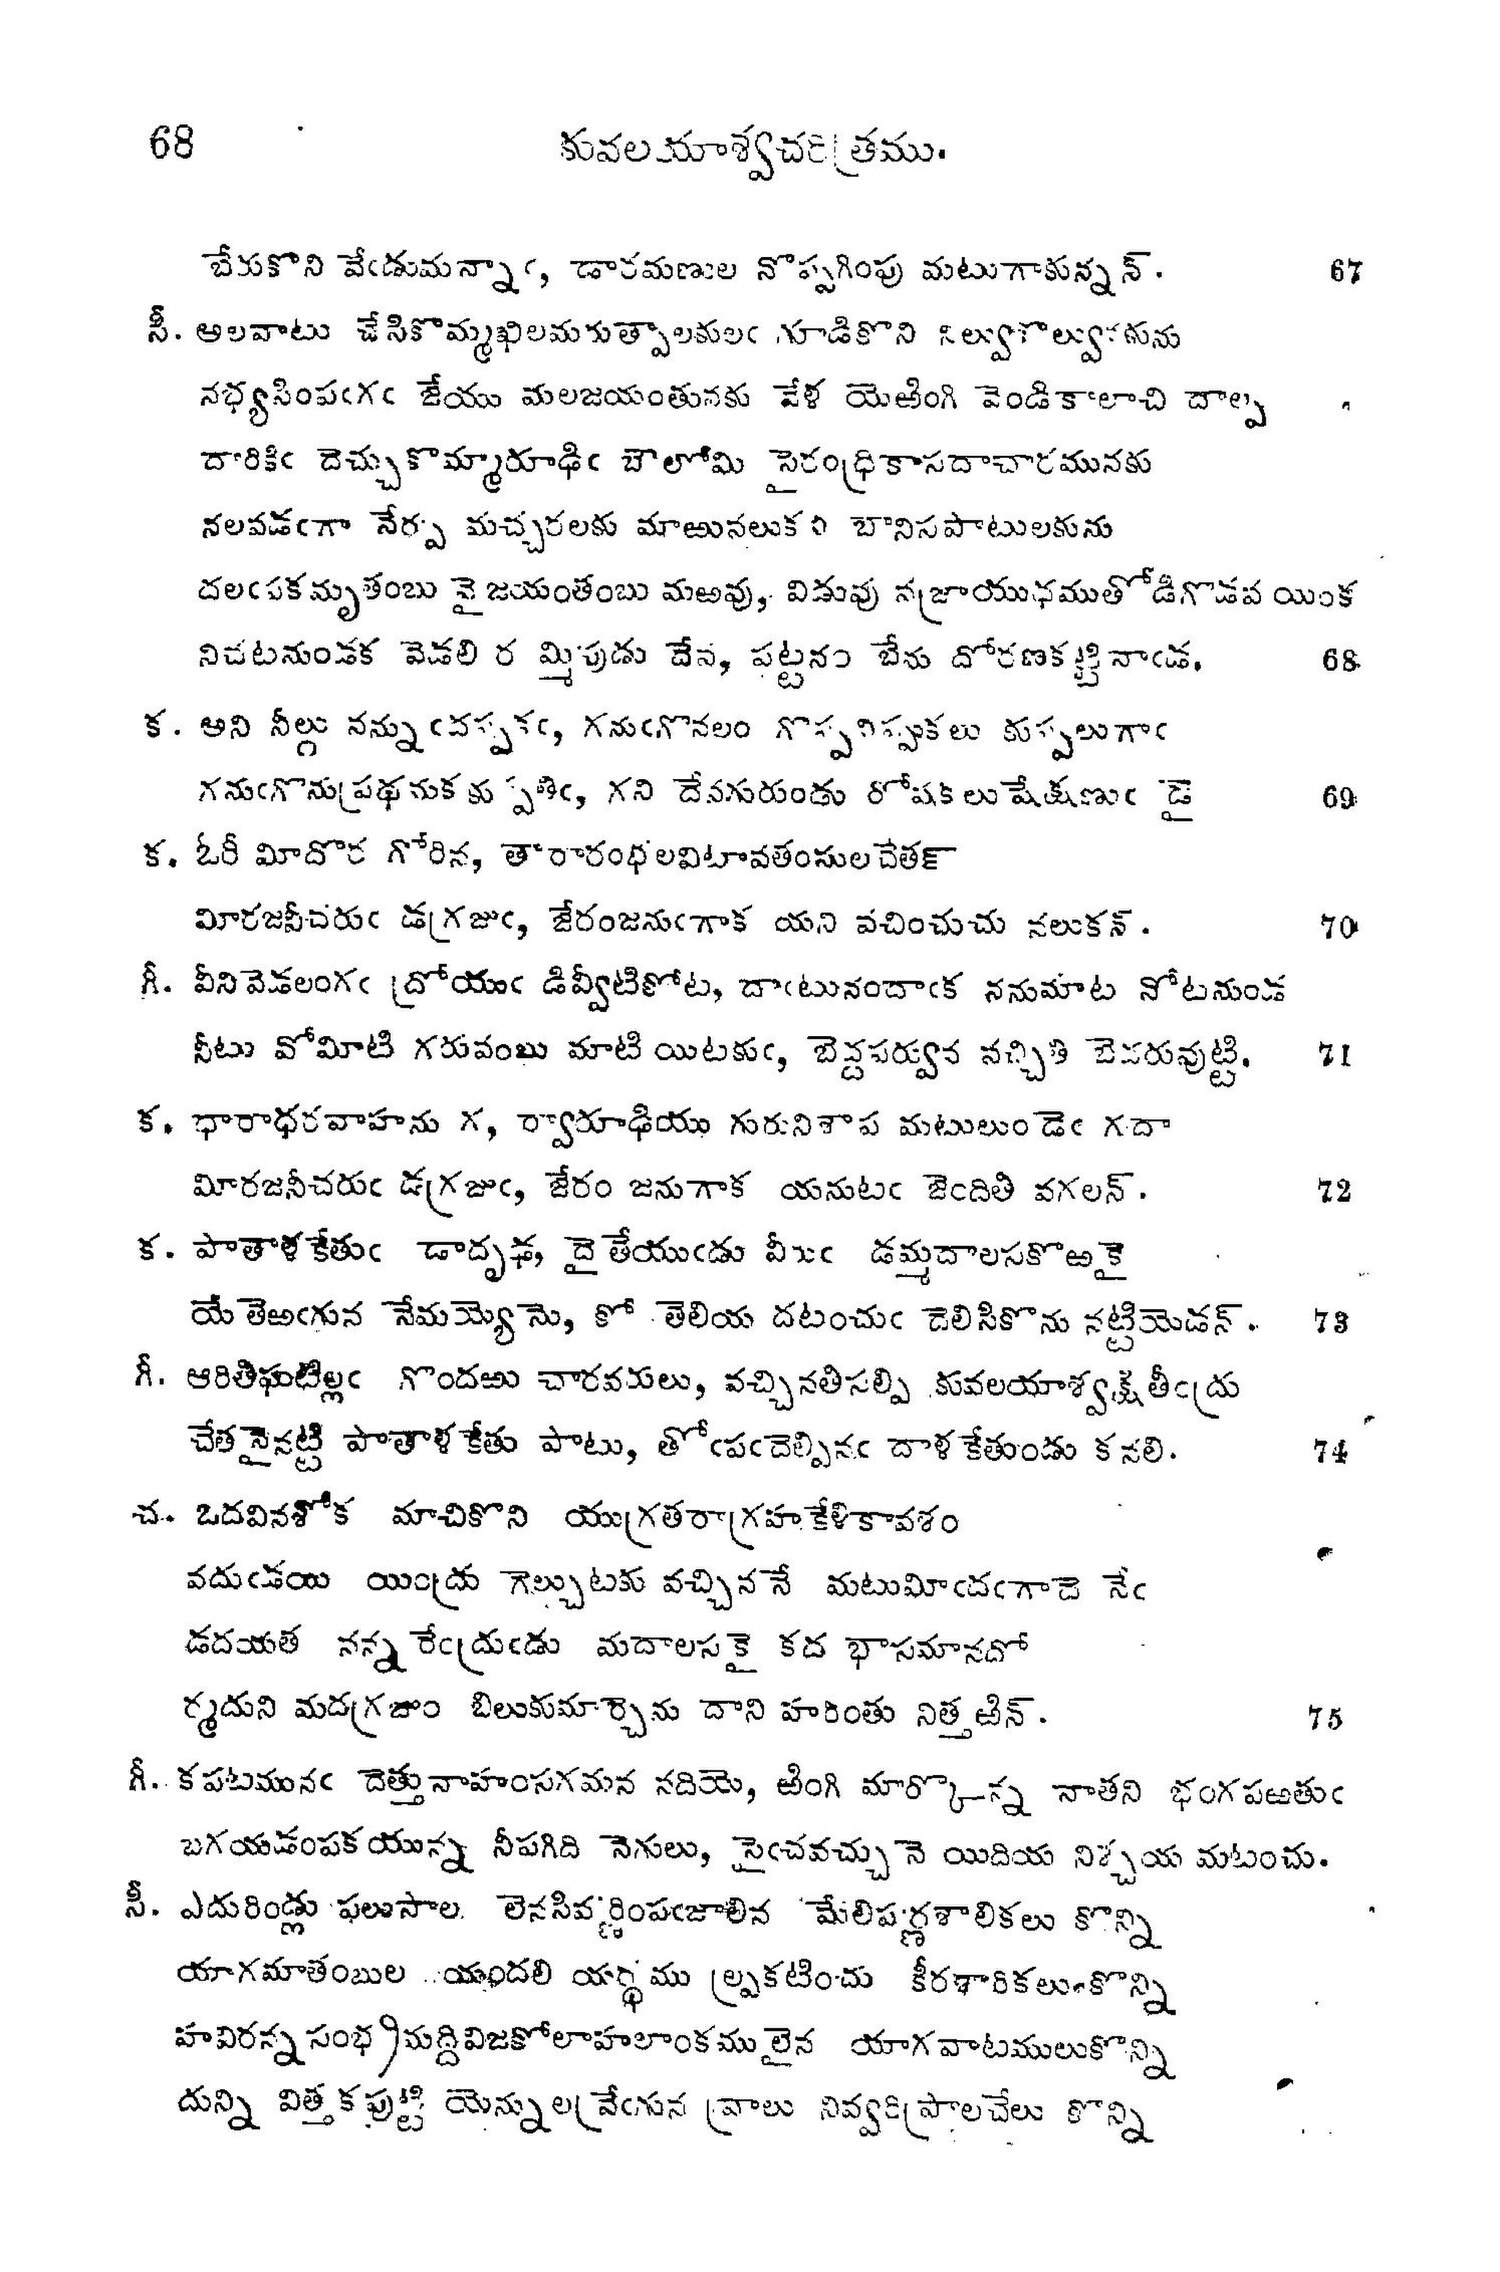బేరుకొని వేఁడుమన్నాఁ, డారమణుల నొప్పగింపు మటుగాకున్నన్.
సీ. అలవాటు చేసికొ మ్మఖిలమరుత్పాలకులఁ గూడికొని నిల్వుకొల్వునకును
నభ్యసింపఁగఁ జేయు మలజయంతునకు వేళ యెఱింగి వెండికాలాచి దాల్ప
దారికిఁ దెచ్చుకొ మ్మారూఢిఁ బౌలోమి సైరంధ్రికాసదాచారమునకు
నలవడఁగా నేర్పు మచ్చరలకు మాఱువలుకని బానిసపాటులకును
దలఁప కమృతంబు వైజయంతంబు మఱవు, విడువు వజ్రాయుధముతో డీగొడవ యింక
నిచట నుండక వెడలిర మ్మిపుడు దేవ, పట్టనం బేను దోరణకట్టినాఁడ.
క. అని నీల్గు నన్నుఁ దప్పకఁ, గనుఁగొనలం గొప్పనిప్పుకలు కుప్పలుగాఁ
గనుఁగొను ప్రథమకకుత్పతిఁ, గని దేవగురుండు రోషకలుషేక్షణుఁడై.
క. ఓరీ మీదొర గోరిన, తారారంభల విటావతంసులచేతన్
మీరజనీచరుఁ డగ్రజుఁ, జేరం జనుఁగాక యని వచించుచు నలుకన్.
గీ. వీని వెడలంగఁ ద్రోయుఁ డివ్వీటిగోట, దాఁటునందాఁక ననుమాట నోటనుండ
నీటు వోమీటి గరువంబు మాటి యిటకుఁ, బెద్దపర్వున వచ్చితి బెదరువుట్టి.
క. ధారాధరవాహను గ, ర్వారూఢియు గురునిశాప మటులుండెఁ గదా
మీరజనీచరుఁ డగ్రజుఁ, జేరం జనుగాక యనుటఁ జెందితి వగలన్.
క. పాతాళకేతుఁ డాదృఢ, దైతేయుఁడు వీరుఁ డమ్మదాలసకొఱకై
యేతెఱఁగున నేమయ్యెనొ, కో తెలియదటంచుఁ దెలిసికొను నట్టియెడన్.
గీ. ఆరీతి ఘటిల్లఁ గొందఱు చారవరులు, వచ్చినతి సల్పి కువలయాశ్వక్షితీంద్రు
చేతనైనట్టి పాతాళకేతు పాటు, తోఁపఁదెల్పినఁ దాళకేతుండు కనలి.
చ. ఒదవినశోక మాచికొని యుగ్రతరాగ్రహకేళికావశుం
వదుఁడయి యింద్రు గెల్చుటకు వచ్చిన నే మటుమీఁదఁగాదె నేఁ
డదయత నన్నరేంద్రుఁడు మదాలసకై కద భాసమానదో
ర్మదుని మదగ్రజుం బిలుకుమార్చెను దాని హరింతు నిత్తఱిన్.
గీ. కపటమునఁ దెత్తు నాహంసగమన నది యె, ఱింగి మార్కొన్న నాతని భంగపఱతుఁ
బగయడంపకయున్న నీపగిది నెగులు, సైఁచవచ్చునె యిదియ నిశ్చయ మటంచు.
సీ. ఎదురిండ్లు ఫలుసాల లెనసి వర్ణింపఁజాలిన మేలిపర్ణశాలికలు కొన్ని
యాగమాతంబుల యందలి యర్థము బ్రకటించు కీరశారికలు కొన్ని
హవిరన్నసంభ్రమద్దివిజకోలాహలాంకములైన యాగవాటములు కొన్ని
దున్ని విత్తక పుట్టి యెన్నులవ్రేఁగున వ్రాలు నివ్వరిప్రాలచేలు కొన్ని